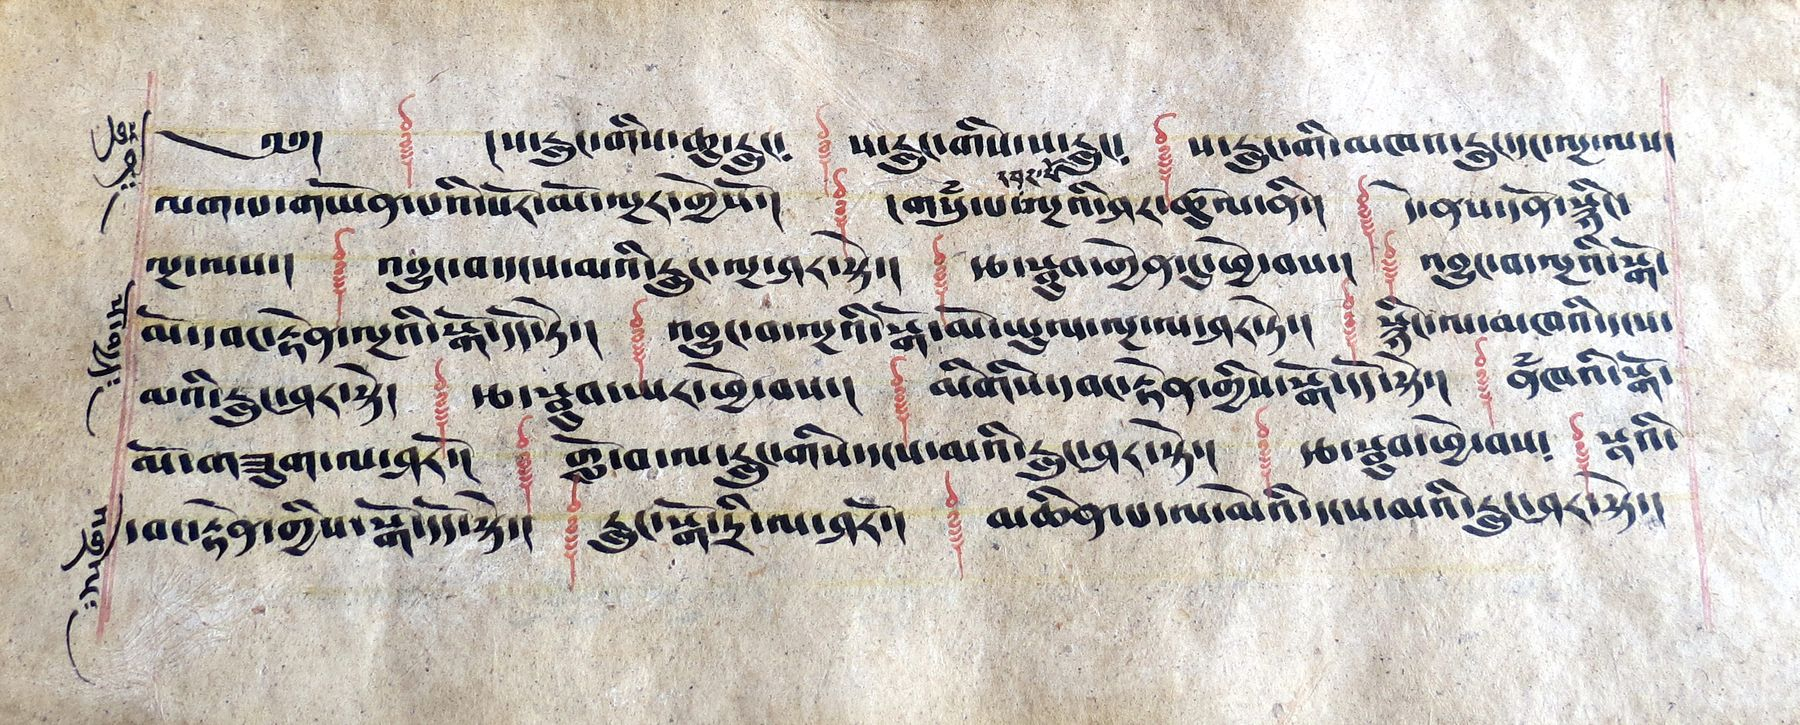ས་རླུང་གི་ཆུ་རླུང་། ས་རླུང་གི་ས་རླུང་། ས་རླུང་གི་མཁའ་རླུང་དང་ལྔ་ལས། 
ལག་པ་གཡོན་པའི་སོར་མོ་ལྔར་གྱེས་སོ། །གསུམ་པ་དབང་པོ་ལྔའི་ཤར་ཚུལ་ནི། དེ་ནས་དོན་སྙིང་
ལྔ་ལས། འབྱུང་བ་དྭངས་མའི་རླུང་ལྔར་ཤར་ཏེ། རྩ་སྦུབས་གྱེན་དུ་ཕྱེས་པས། འབྱུང་བ་ལྔའི་སྒོ་
མོ་དབང་རྟེན་ལྔའི་སྒོ་དོད་དེ། འབྱུང་བ་ལྔའི་སྒོ་མོ་ཡུལ་ལྔ་ལ་ཤར་རོ། །སྙིང་ལས་ནམ་མཁའི་དྭངས་
མའི་རླུང་ཤར་ཏེ། རྩ་སྦུབས་ཡར་ཕྱེས་པས། མིག་གི་དབང་རྟེན་གྱི་སྒོ་དོད་དེ། ནམ་མཁའི་སྒོ་
མོ་གཟུགས་ལ་ཤར་རོ། །གློ་བ་ལས་རླུང་གི་དྭངས་མའི་རླུང་ཤར་ཏེ། རྩ་སྦུབས་ཕྱེས་པས། སྣའི་
དབང་རྟེན་གྱི་སྒོ་དོད་དེ། རླུང་སྒོ་དྲི་ལ་ཤར་རོ། །མཆིན་པ་ལས་མེའི་དྭངས་མའི་རླུང་ཤར་ཏེ།